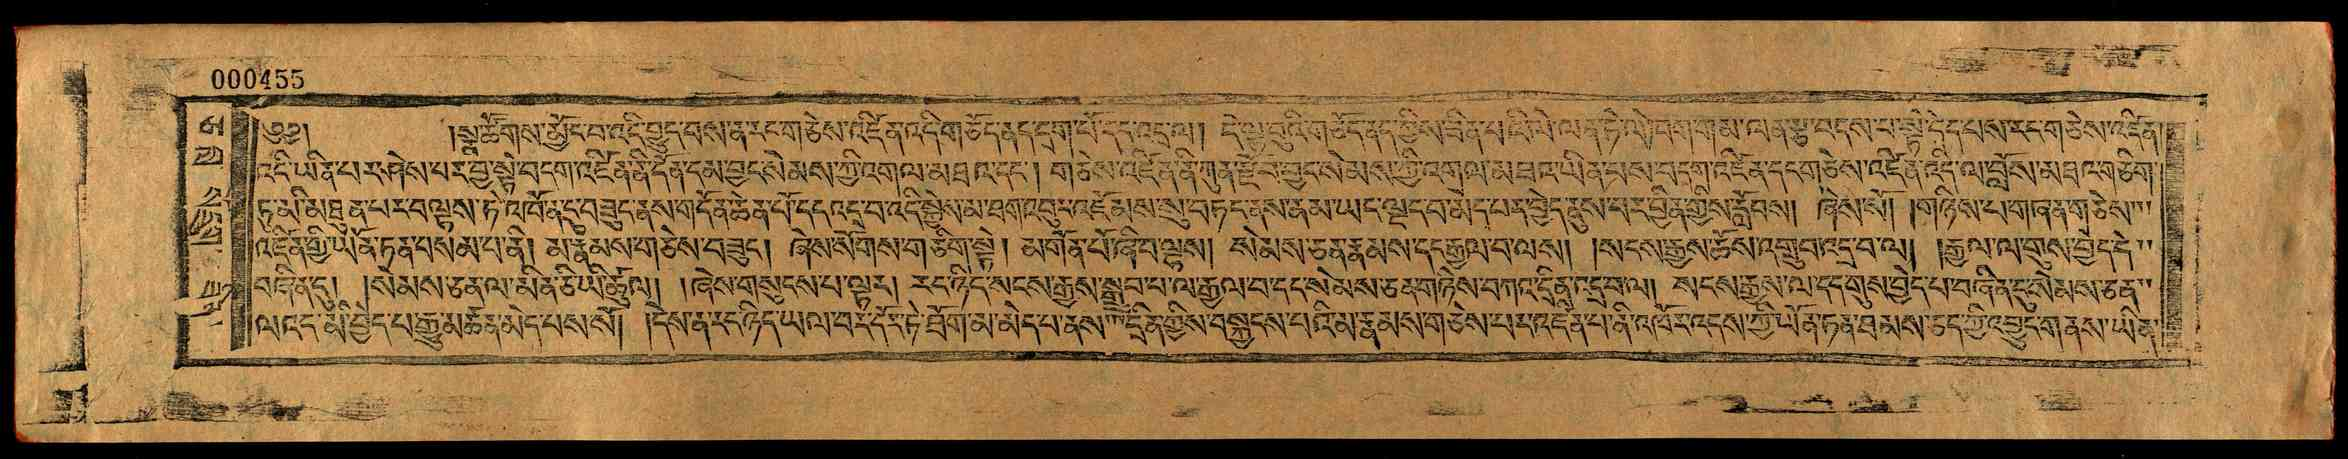༄༅། །སྣ་ཚོགས་མྱོང་བ་འདི་བྱུང་བས་ན་རང་གཅེས་འཛིན་འདི་གཅོངྣད་དྲག་པོ་དང་འདྲ་ལ། དེ་ལྟ་བུའི་གཅོད་ནད་ཀྱིས་ཟིན་པའི་ལེ་ལན་ཏེ་ལེ་ཁག་གམ་ལན་རྩ་བདས་པ་སྟེ་དེད་པས་རང་གཅེས་འཛིན་
འདི་ཡིན་པར་ཤེས་པར་བྱ་སྟེ་བདག་འཛིན་ནི་དོན་དམ་བྱང་སེམས་ཀྱི་འགལ་མཐའ་དང་། གཅེས་འཛིན་ནི་ཀུན་རྫོབ་བྱང་སེམས་ཀྱི་འགལ་མཐའ་ཡིན་པས་བདག་འཛིན་དང་གཅེས་འཛིན་འདི་ལ་བློས་མཐའ་གཅིག་
ཏུ་མི་མཐུན་པར་བལྟས་ཏེ་འཁོན་དུ་བཟུང་ནས་གདོན་ཆེན་པོ་དང་འདྲ་བ་འདི་སྐྱེས་མ་ཐག་འབུར་འཇོམས་སུ་བཏང་ནས་ནམ་ཡང་ལྡང་བ་མེད་པར་བྱེད་ནུས་པར་བྱིན་གྱིས་རློབས། ཞེས་སོ། །གཉིས་པ་གཞན་གཅེས་
འཛིན་གྱི་ཡོན་ཏན་བསམ་པ་ནི། མ་རྣམས་གཅེས་བཟུང་། ཞེས་སོགས་གཅིག་སྟེ། མགོན་པོ་ཞི་བ་ལྷས། སེམས་ཅན་རྣམས་དང་རྒྱལ་བ་ལས། །སངས་རྒྱས་ཆོས་འགྲུབ་འདྲ་བ་ལ། །རྒྱལ་ལ་གུས་བྱེད་དེ་
བཞིན་དུ། །སེམས་ཅན་ལ་མིན་ཅི་ཡི་ཚུལ། །ཞེས་གསུངས་པ་ལྟར། རང་ཉིད་སངས་རྒྱས་སྒྲུབ་པ་ལ་རྒྱལ་བ་དང་སེམས་ཅན་གཉིས་བཀའ་དྲིན་འདྲ་བ་ལ། སངས་རྒྱས་ལ་དད་གུས་བྱེད་པ་བཞིན་དུ་སེམས་ཅན་
ལའང་མི་བྱེད་པ་རྒྱུ་མཚན་མེད་པས་སོ། །དེས་ན་རང་ཉིད་ཡལ་བར་དོར་ཏེ་ཐོག་མ་མེད་པ་ནས་དྲིན་གྱིས་བསྐྱངས་པའི་མ་རྣམས་གཅེས་པར་འཛིན་པ་ནི་འཁོར་འདས་ཀྱི་ཡོན་ཏན་ཐམས་ཅད་ཀྱི་འབྱུང་གནས་ཡིན་